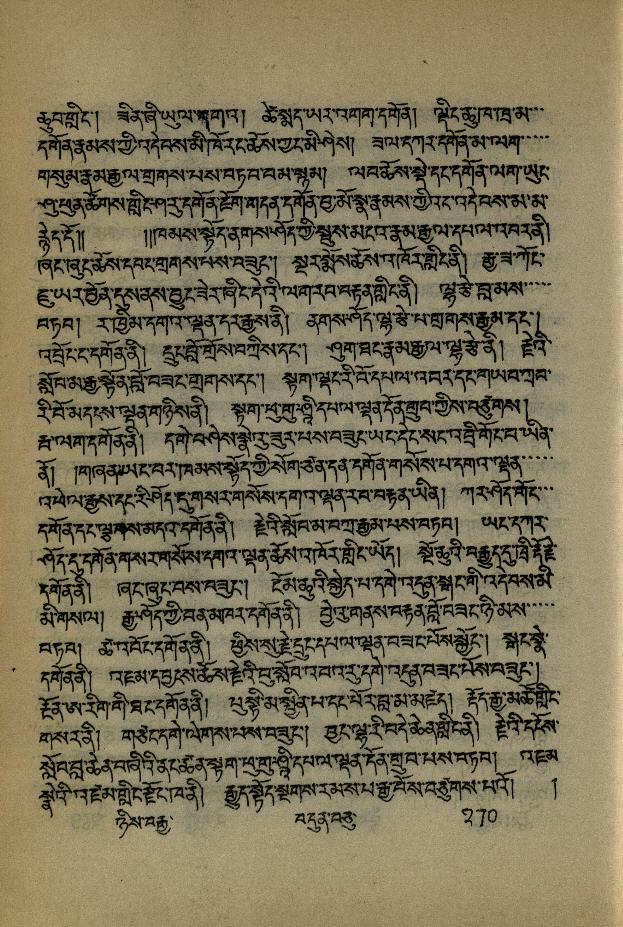ཆུབ་གླིང་། ཟིན་ཞི་ཡུལ་དགའ། ཚེ་སྨད་ཡར་འགག་དགོན། ལྡིང་ཆུ་ཁ་ཁྲ་མ་
དགོན་རྣམས་ཀྱི་འདེབས་མི་ཁོ་རང་ཆོས་ཀྱང་མི་ཤེས། ཟལ་དཀར་དགོན་མ་ལག་
གསུམ་རྣམ་རྒྱལ་གྲགས་པས་བཏབ་བམ་སྙམ། ལབ་ཆོས་སྡེ་དང་དགོན་ལག་ཡུང་
ཤུ་ཕུན་ཚོགས་གླིང་ཤ་རུ་དགོན་ཇོག་གདན་དགོན་བྱ་མོ་སྣ་རྣམས་ཀྱིའང་འདེབས་མ་མ་
རྙེད་དོ།། །།ཁམས་སྟོད་ནགས་ཤོད་ཀྱི་སྦུས་མངའ་རྣམ་རྒྱལ་དཔལ་འབར་ནི།
ཞང་ཞུང་ཆོས་དབང་གྲགས་པས་བཟུང་། སྔར་སྨོས་ཆོས་འཁོར་གླིང་ནི། རྒྱ་ཟ་ཀོང་
ཇུ་ཡར་བྱོན་དུས་ནས་བྱུང་ཟེར་ཞིང་དེའི་ལག་རབ་བརྟན་གླིང་ནི། ལྷ་རྩེ་བླ་མས་
བཏབ། ར་ཁྱིམ་དགའ་ལྡན་དར་རྒྱས་ནི། ནགས་ཤོད་ལྷ་རྩེ་པ་གྲགས་རྒྱམ་དང་།
འབྲོང་ང་དགོན་ནི། དྲུང་བློ་གྲོས་བཀྲིས་དང་། ཤུག་ཐང་རྣམ་རྒྱལ་ལྷ་རྩེ་ནི། རྗེའི་
སློབ་མ་རྒྱ་སྟོན་བློ་བཟང་གྲགས་དང་། སྟག་ལྡང་རི་བོ་དཔལ་འབར་དང་གཡབ་ཀྲབ་
རི་བོ་མདངས་ལྡན་གཉིས་ནི། སྟག་ཕུ་གུ་ཤྲཱི་དཔལ་ལྡན་དོན་གྲུབ་གྱིས་བཙུགས།
རྦ་ལག་དགོན་ནི། དགེ་བཤེས་སྣེའུ་ཟུར་པས་བཟུང་ཡང་དེང་སང་འབྲི་གོང་བ་ཡིན་
ནོ། །གཞན་ཡང་བར་ཁམས་སྟོད་ཀྱི་སོག་ཙན་དན་དགོན་གསོས་པ་དགའ་ལྡན་
འཕེལ་རྒྱས་དང་རི་ཤོད་དུ་གསར་གསོས་དགའ་ལྡན་རབ་བརྟན་ཡིན། ཀར་ཤོད་གོང་
དགོན་དང་ལྕགས་མདའ་དགོན་ནི། རྗེའི་སློབ་མ་བཀྲ་རྒྱམ་པས་བཏབ། ཡང་དཀར་
ཤོད་དུ་དགོན་གསར་གསོས་དགའ་ལྡན་ཆོས་འཁོར་གླིང་ཡོད། སྔོ་ཆུའི་བརྒྱུད་དུ་ཁྲི་རྡོ་རྗེ་
དགོན་ནི། ཞང་ཞུང་བས་བཟུང་། ངོམ་ཆུའི་སྐྱེད་པ་དགེ་འདུན་སྒང་གི་འདེབས་མི་
མི་གསལ། རྒྱ་ཤོད་ཀྱི་བན་མཁར་དགོན་ནི། བྱེའུ་གནས་བརྟན་བློ་བཟང་ཉི་མས་
བཏབ། ཚ་འབོང་དགོན་ནི། ཕྱིས་སུ་རྗེ་དྲུང་དཔལ་ལྡན་བཟང་པོས་སྐྱོང་། སྒང་སྣེ་
དགོན་ནི། འཇམ་དབྱངས་ཆོས་རྗེའི་བུ་སློབ་འབའ་རུ་དགེ་འདུན་བཟང་པོས་བཟུང་།
རྔོན་ཨ་རིག་གི་ཐང་དགོན་ནི། པུ་སྟི་མ་སྤྱིན་པ་དང་པོར་བླ་མ་མཛད། རྡོད་རྒྱ་མཚོ་གླིང་
གསར་ནི། གཙང་དགེ་ལེགས་པས་བཟུང་། བྱང་ལྷ་རི་བདེ་ཆེན་གླིང་ནི། རྗེའི་དངོས་
སློབ་བླ་ཆེན་བཞིའི་ནང་ཚན་སྟག་ཕུ་གུ་ཤྲཱི་དཔལ་ལྡན་དོན་གྲུབ་པས་བཏབ། འཇམ་
སྣེའི་འཛམ་གླིང་རྫོང་ཁ་ནི། རྒྱུད་སྟོད་སྔགས་རམས་པ་རྒྱ་བོས་བཙུགས་པའོ། །